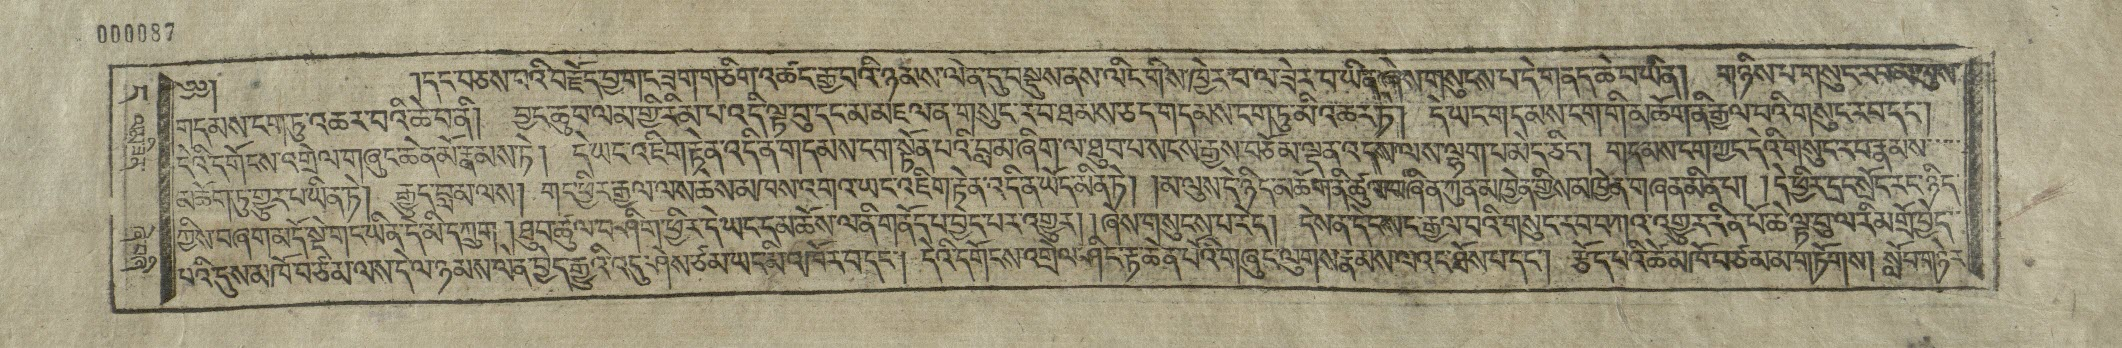༄༅། །དང་བཅས་པའི་བརྗོད་བྱ་གང་ཟག་གཅིག་འཚང་རྒྱ་བའི་ཉམས་ལེན་དུ་བསྡུས་ནས་ལིང་གིས་ཁྱེར་བ་ལ་ཟེར་བ་ཡིན་ཞེས་གསུངས་པ་དེ་གནད་ཆེ་བ་ཡིན། གཉིས་པ་གསུང་རབ་མ་ལུས་
གདམས་ངག་ཏུ་འཆར་བའི་ཆེ་བ་ནི། བྱང་ཆུབ་ལམ་གྱི་རིམ་པ་འདི་ལྟ་བུ་དང་མ་མཇལ་ན་གསུང་རབ་ཐམས་ཅད་གདམས་ངག་ཏུ་མི་འཆར་ཏེ། དེ་ཡང་གདམས་ངག་གི་མཆོག་ནི་རྒྱལ་བའི་གསུང་རབ་དང་།
དེའི་དགོངས་འགྲེལ་གཞུང་ཆེན་མོ་རྣམས་ཏེ། དེ་ཡང་འཇིག་རྟེན་འདི་ན་གདམས་ངག་སྟོན་པའི་བླ་མ་ཞིག་ལ་ཐུབ་པ་སངས་རྒྱས་བཅོམ་ལྡན་འདས་ལས་ལྷག་པ་མེད་ཅིང་། གདམས་ངག་ཀྱང་དེའི་གསུང་རབ་རྣམས་
མཆོག་ཏུ་གྱུར་པ་ཡིན་ཏེ། རྒྱུད་བླ་མ་ལས། གང་ཕྱིར་རྒྱལ་ལས་ཆེས་མཁས་འགའ་ཡང་འཇིག་རྟེན་འདི་ན་ཡོད་མིན་ཏེ། །མ་ལུས་དེ་ཉིད་མཆོག་ནི་ཚུལ་བཞིན་ཀུན་མཁྱེན་གྱིས་མཁྱེན་གཞན་མིན་པ། །དེ་ཕྱིར་དྲང་སྲོང་རང་ཉིད་
ཀྱིས་བཞག་མདོ་སྡེ་གང་ཡིན་དེ་མི་དཀྲུག །ཐུབ་ཚུལ་བཤིག་ཕྱིར་དེ་ཡང་དམ་ཆོས་ལ་ནི་གནོད་པ་བྱེད་པར་འགྱུར། །ཞེས་གསུངས་པ་རེད། དེས་ན་དེང་སང་རྒྱལ་བའི་གསུང་རབ་བཀའ་འགྱུར་རིན་པོ་ཆེ་ལྟ་བུ་ལ་རིམ་གྲོ་བྱེད་
པའི་དུས་མཁོ་བ་ཙམ་ལས་དེ་ལ་ཉམས་ལེན་བྱེད་རྒྱུའི་འདུ་ཤེས་ཙམ་ཡང་མི་འཁོར་བ་དང་། དེའི་དགོངས་འགྲེལ་ཤིང་རྟ་ཆེན་པོའི་གཞུང་ལུགས་རྣམས་ལའང་ཐོས་པ་དང་། རྩོད་པའི་ཚེ་མཁོ་བ་ཙམ་མ་གཏོགས། སློབ་གཉེར་